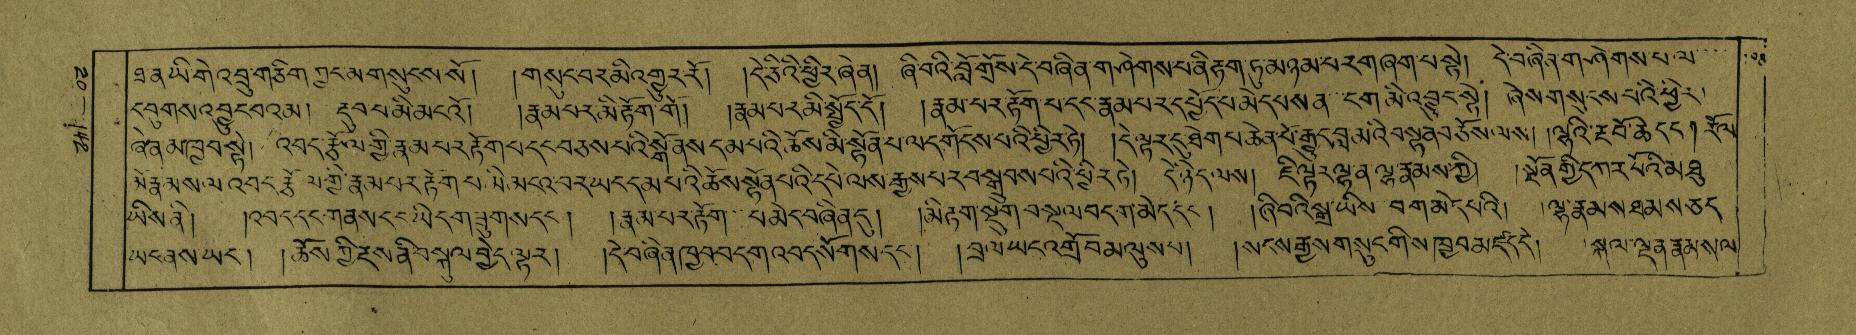ཐ་ན་ཡི་གེ་འབྲུ་གཅིག་ཀྱང་མ་གསུངས་སོ། །གསུང་བར་མི་འགྱུར་རོ། །དེ་ཅིའི་ཕྱིར་ཞེ་ན། ཞི་བའི་བློ་གྲོས་དེ་བཞིན་གཤེགས་པ་ནི་རྟག་ཏུ་མཉམ་པར་གཞག་པ་སྟེ། དེ་བཞིན་གཤེགས་པ་ལ་
དབུགས་འབྱུང་བའམ། རྡུབ་པ་མི་མངའོ། །རྣམ་པར་མི་རྟོག་གོ། །རྣམ་པར་མི་སྤྱོད་དོ། །རྣམ་པར་རྟོག་པ་དང་རྣམ་པར་དཔྱོད་པ་མེད་པས་ན་ངག་མི་འབྱུང་སྟེ། ཞེས་གསུངས་པའི་ཕྱིར།
ཞེ་ན་མ་ཁྱབ་སྟེ། འབད་རྩོལ་གྱི་རྣམ་པར་རྟོག་པ་དང་བཅས་པའི་སྒོ་ནས་དམ་པའི་ཆོས་མི་སྟོན་པ་ལ་དགོངས་པའི་ཕྱིར་ཏེ། །དེ་ལྟར་དུ་ཐེག་པ་ཆེན་པོ་རྒྱུད་བླ་མའི་བསྟན་བཅོས་ལས། །ལྷའི་རྔ་པོ་ཆེ་དང་། རོལ་
མོ་རྣམས་ལ་འབད་རྩོལ་གྱི་རྣམ་པར་རྟོག་པ་མི་མངའ་བར་ཡང་དམ་པའི་ཆོས་སྟོན་པའི་དཔེ་ལས་རྒྱས་པར་བསྒྲུབས་པའི་ཕྱིར་ཏེ། དེ་ཉིད་ལས། ཇི་ལྟར་ལྷ་ན་ལྷ་རྣམས་ཀྱི། །སྔོན་གྱི་དཀར་པོའི་མཐུ་
ཡིས་ནི། །འབད་དང་གནས་དང་ཡིད་གཟུགས་དང་། །རྣམ་པར་རྟོག་པ་མེད་བཞིན་དུ། །མི་རྟག་སྡུག་བསྔལ་བདག་མེད་དང་། །ཞི་བའི་སྒྲ་ཡིས་བག་མེད་པའི། །ལྷ་རྣམས་ཐམས་ཅད་
ཡང་ནས་ཡང་། །ཆོས་ཀྱི་རྔས་ནི་བསྐུལ་བྱེད་ལྟར། །དེ་བཞིན་ཁྱབ་བདག་འབད་སོགས་དང་། །བྲལ་ཡང་འགྲོ་བ་མ་ལུས་པ། །སངས་རྒྱས་གསུང་གིས་ཁྱབ་མཛད་དེ། །སྐལ་ལྡན་རྣམས་ལ་